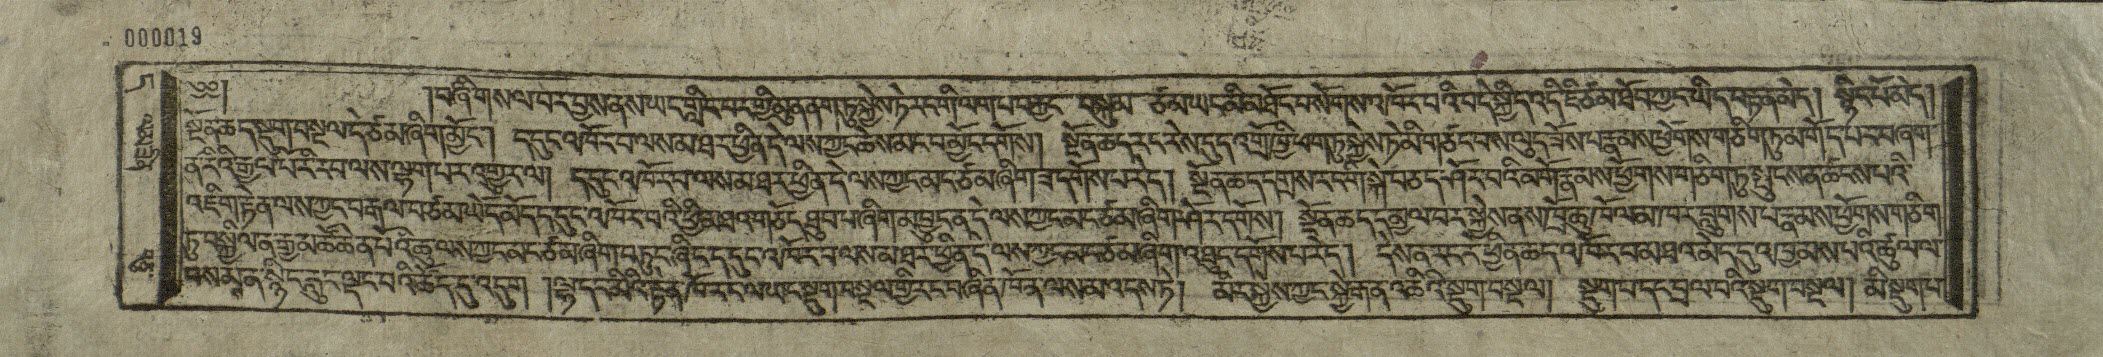༄༅། །བཞི་གསལ་བར་བྱས་ནས་ཡང་གླིང་བར་གྱི་མུན་ནག་ཏུ་སྐྱེས་ཏེ་རང་གི་ལག་པ་བརྐྱང་བསྐུམ་ཙམ་ཡང་མི་མཐོང་བ་སོགས་འཁོར་བའི་བདེ་སྐྱིད་འདི་ཇི་ཙམ་ཐོབ་ཀྱང་ཡིད་བརྟན་མེད། སྙིང་པོ་མེད།
སྔོན་ཆད་སྡུག་བསྔལ་དེ་ཙམ་ཞིག་མྱོང་། ད་དུང་འཁོར་བ་ལས་མཐར་ཕྱིན་དེ་ལས་ཀྱང་ཆེས་མང་བ་མྱོང་དགོས། སྔོན་ཆད་རང་རེས་དུད་འགྲོ་ཁྱི་ཕག་ཏུ་སྐྱེས་ཏེ་མི་གཙང་བ་ས་ལུད་ཟོས་པ་རྣམས་ཕྱོགས་གཅིག་ཏུ་མ་གོད་པར་བཞག་
ན་རིའི་རྒྱལ་པོ་རི་རབ་ལས་ལྷག་པར་འགྱུར་ལ། ད་དུང་འཁོར་བ་ལས་མཐར་ཕྱིན་དེ་ལས་ཀྱང་མང་ཙམ་ཞིག་ཟ་དགོས་པ་རེད། སྔོན་ཆད་དགྲས་རང་གི་སྐེ་བཅད་ཤོར་བའི་མགོ་རྣམས་ཕྱོགས་གཅིག་ཏུ་སྤུངས་ན་ཚངས་པའི་
འཇིག་རྟེན་ལས་ཀྱང་བརྒལ་བ་ཙམ་ཡོད་མོད་ད་དུང་འཁོར་བའི་ཕྱི་མཐའ་གཅོད་ཐུབ་པ་ཞིག་མ་བྱུང་ན་དེ་ལས་ཀྱང་མང་ཙམ་ཞིག་ཤོར་དགོས། སྔོན་ཆད་དམྱལ་བར་སྐྱེས་ནས་ཁྲོ་ཆུ་ཁོལ་མ་ཁར་བླུགས་པ་རྣམས་ཕྱོགས་གཅིག་
ཏུ་བསྐྱིལ་ན་རྒྱ་མཚོ་ཆེན་པོའི་ཆུ་ལས་ཀྱང་མང་ཙམ་ཞིག་བཏུང་ཞིང་ད་དུང་འཁོར་བ་ལས་མཐར་ཕྱིན་དེ་ལས་ཀྱང་མང་ཙམ་ཞིག་འཐུང་དགོས་པ་རེད། དེས་ན་རང་རེ་ཕྱིན་ཆད་འཁོར་བ་མཐའ་མེད་དུ་འཁྱམས་པའི་ཚུལ་ལ་
བསམས་ན་སྙིང་རླུང་ལྡང་བའི་ཚོད་དུ་འདུག །ལྷ་དང་མིའི་རྟེན་ཁོ་རང་ལ་ཡང་སྡུག་བསྔལ་གྱི་རང་བཞིན་ཁོ་ན་ལས་མ་འདས་ཏེ། མིར་སྐྱེས་ཀྱང་སྐྱེ་རྒ་ན་འཆིའི་སྡུག་བསྔལ། སྡུག་པ་དང་བྲལ་བའི་སྡུག་བསྔལ། མི་སྡུག་པ་